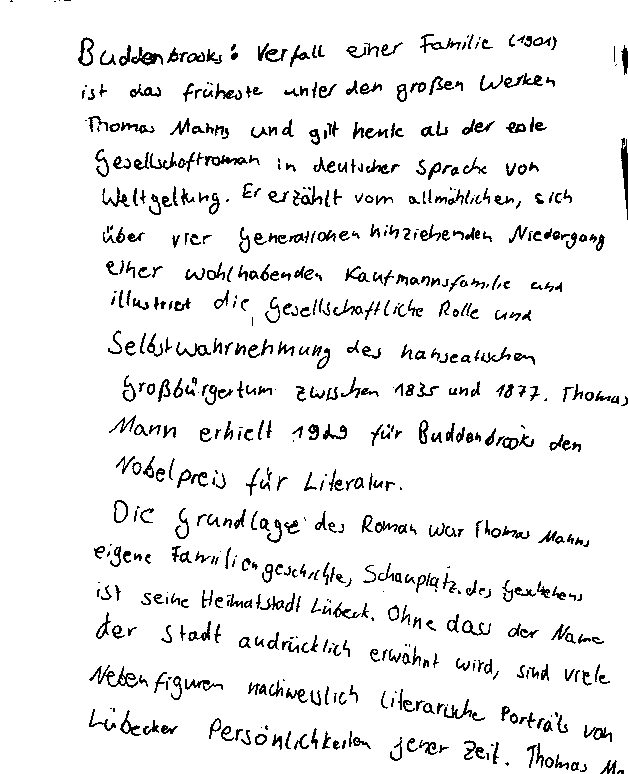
Buddenbrooks: Verfall einer Familie (1901)
ist das früheste unter den großen Werken
Thomas Manns und gilt heute als der erste
Gesellschaftsroman in deutscher Sprache von
Weltgeltung. Er erzählt vom allmählichen, sich
über vier Generationen hinziehenden Niedergang
einer wohlhabenden Kaufmannsfamilie und
illustriert die gesellschaftliche Rolle und
Selbstwahrnehmung des hanseatischen
Großbürgertums zwischen 1835 und 1877. Thomas
Mann erhielt 1929 für Buddenbrooks den
Nobelpreis für Literatur.
Die Grundlage des Romans war Thomas Manns
eigene Familiengeschichte, Schauplatz. des Geschehens
ist seine Heimatstadt Lübeck. Ohne dass der Name
der Stadt ausdrücklich erwähnt wird, sind viele
Nebenfiguren nachweislich literarische Porträts von
Lübecker Persönlichkeiten jener Zeit. Thomas Ma
